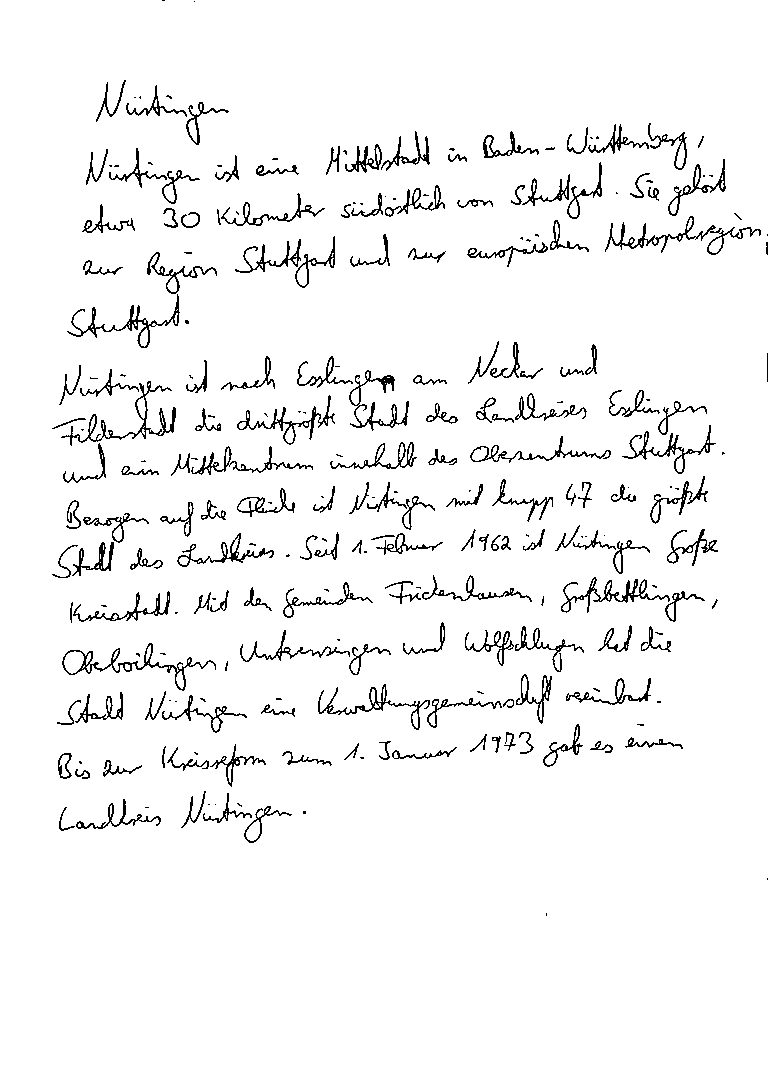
Nürtingen ist eine Mittelstadt in Baden-Württemberg,
etwa 30 Kilometer südöstlich von Stuttgart. Sie gehört
zur Region Stuttgart und zur europäischen Metropolregion
Stuttgart.
Nürtingen ist nach Esslingen am Neckar und
Filderstadt die drittgrößte Stadt des Landkreises Esslingen
Und ein Mittelzentrum innerhalb des Oberzentrums Stuttgart.
Bezogen auf die Fläche ist Nürtingen mit knapp 47 die größte
Stadt des Landkreises. Seit 1. Februar 1962 ist Nürtingen Große
Kreisstadt. Mit den Gemeinden Frickenhausen, Großbettlingen,
Oberboihingen, Unterensingen und Wolfschlugen hat die
Stadt Nürtingen eine Verwaltungsgemeinschaft vereinbart.
Bis zur Kreisreform zum 1. Januar 1973 gab es einen
Landkreis Nürtingen.
